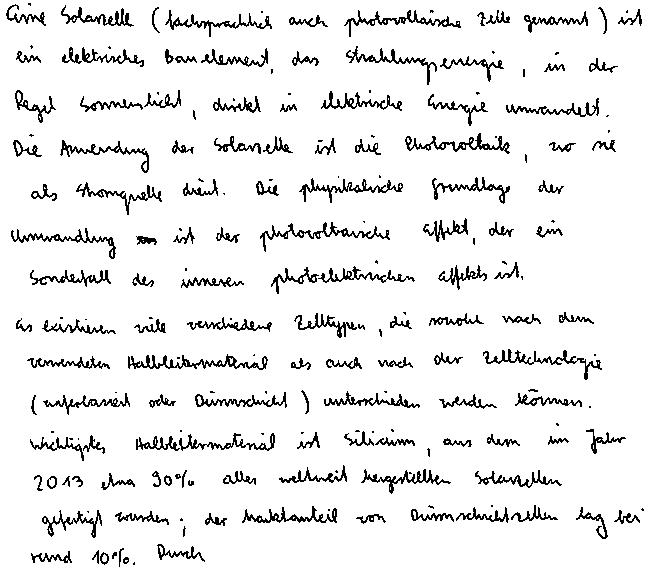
Eine Solarzelle (fachsprachlich auch photovoltaische Zelle genannt ) ist
ein elektrisches Bauelement, das Strahlungsenergie, in der
Regel Sonnenlicht, direkt in elektrische Energie umwandelt.
Die Anwendung der Solarzelle ist die Photovoltaik, wo sie
als Stromquelle dient. die physikalische Grundlage der
Umwandlung ist der photovoltaische Effekt, der ein
Sonderfall des inneren photoelektrischen Effekts ist.
Es existieren viele verschiedene Zelltypen, die sowohl nach dem
verwendeten Halbleitermaterial als auch nach der Zelltechnologie
(waferbasiert oder Dünnschicht ) unterschieden werden Können
Wichtigstes Halbleitermaterial ist Silicium, aus dem im Jahr
2013 etwa 90% aller weltweit hergestellten Solarzellen
gefertigt wurden; der Marktanteil von Dünnschichtzellen lag bei
rund 10%. Durch
